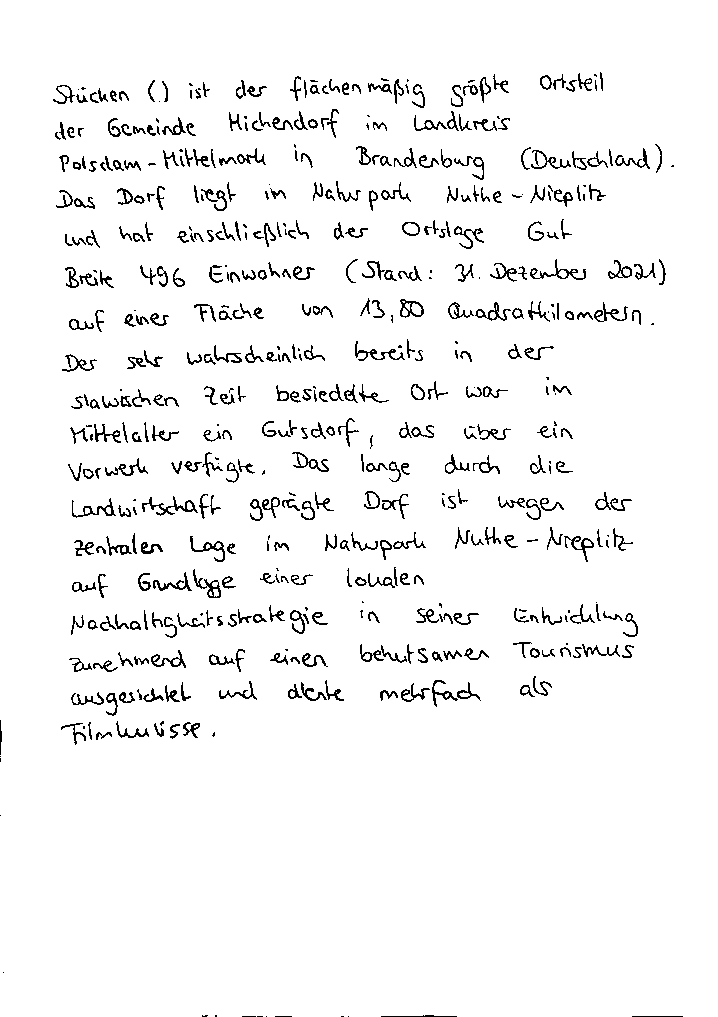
Stücken () ist der flächenmäßig größte Ortsteil
der Gemeinde Michendorf im Landkreis
Potsdam-Mittelmark in Brandenburg (Deutschland).
Das Dorf liegt im Naturpark Nuthe-Nieplitz
und hat einschließlich der Ortslage Gut
Breite 496 Einwohner (Stand: 31 Dezember 2021)
auf einer Fläche von 13,80 Quadratkilometern.
Der sehr wahrscheinlich bereits in der
slawischen Zeit besiedelte Ort war im
Mittelalter ein Gutsdorf, das über ein
Vorwerk verfügte. Das lange durch die
Landwirtschaft geprägte Dorf ist wegen der
zentralen Lage im Naturpark Nuthe-Nieplitz
auf Grundlage einer lokalen
Nachhaltigkeitsstrategie in seiner Entwicklung
zunehmend auf einen behutsamen Tourismus
ausgerichtet und diente mehrfach als
Filmkulisse.
